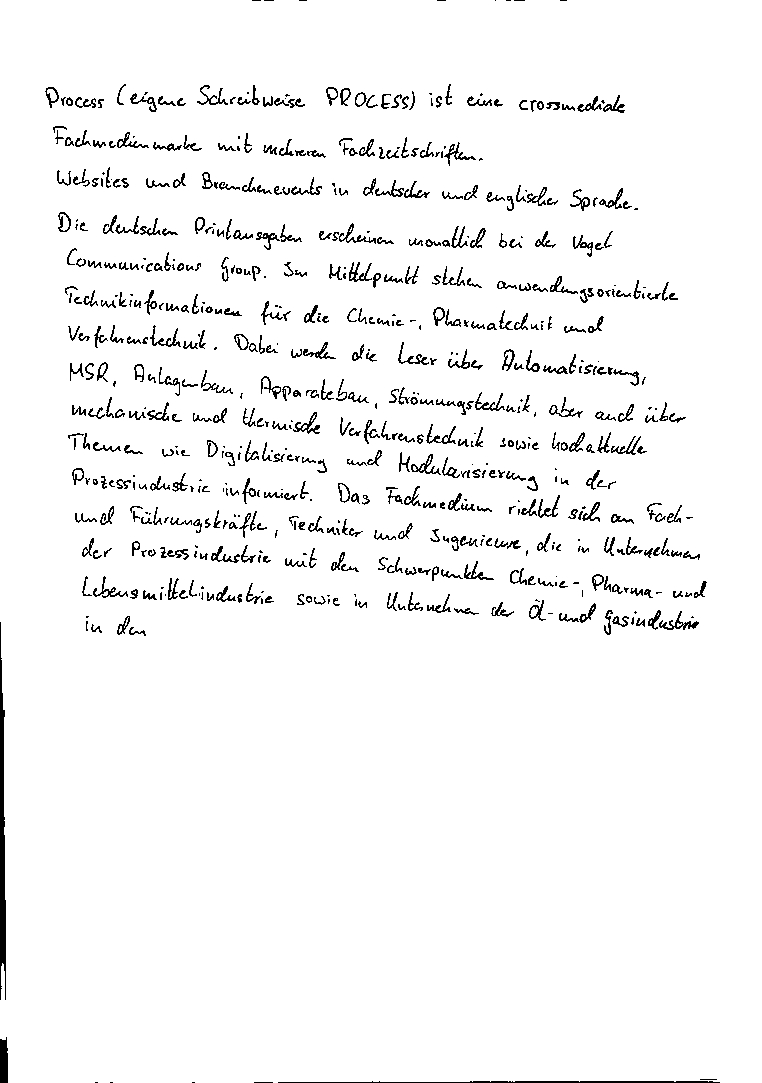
Process (eigene Schreibweise PROCESS) ist eine crossmediale
Fachmedienmarke mit mehreren Fachzeitschriften,
Websites und Branchenevents in deutscher und englischer Sprache.
Die deutschen Printausgaben erscheinen monatlich bei der Vogel
Communications Group. Im Mittelpunkt stehen anwendungsorientierte
Technikinformationen für die Chemie-, Pharmatechnik und
Verfahrenstechnik. Dabei werden die Leser über Automatisierung,
MSR, Anlagenbau, Apparatebau, Strömungstechnik, aber auch über
mechanische und thermische Verfahrenstechnik sowie hochaktuelle
Themen wie Digitalisierung und Modularisierung in der
Prozessindustrie informiert. Das Fachmedium richtet sich an Fach-
und Führungskräfte, Techniker und Ingenieure, die in Unternehmen
der Prozessindustrie mit den Schwerpunkten Chemie-, Pharma- und
Lebensmittelindustrie sowie in Unternehmen der Öl- und Gasindustrie in den
